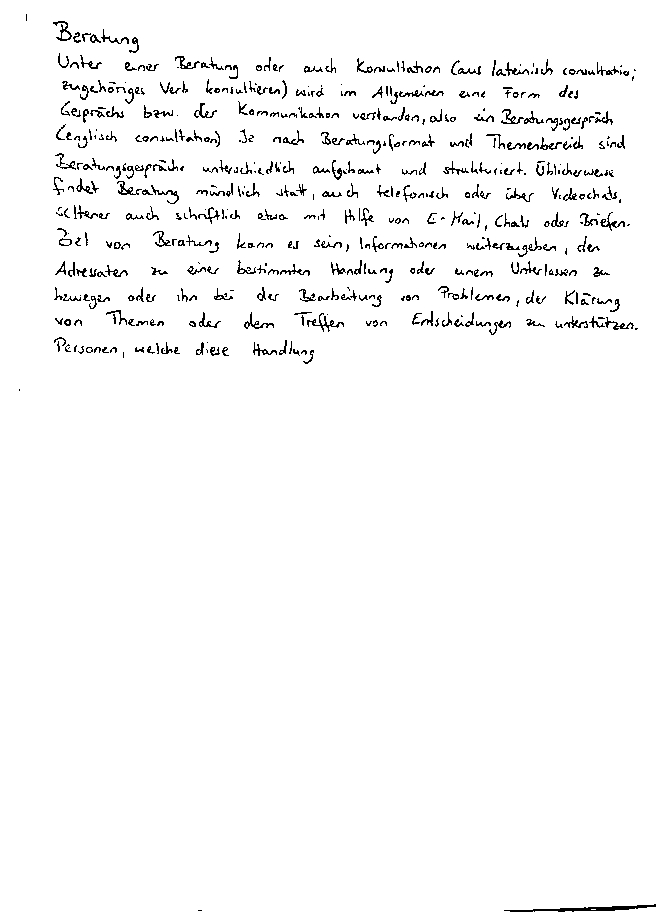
Beratung
Unter einer Beratung oder auch Konsultation (aus lateinisch consultatio;
zugehöriges Verb konsultieren) wird im Allgemeinen eine Form des
Gesprächs bzw. der Kommunikation verstanden, also ein Beratungsgespräch
(englisch consultation). Je nach Beratungsformat und Themenbereich sind
Beratungsgespräche unterschiedlich aufgebaut und strukturiert. Üblicherweise
findet Beratung mündlich statt, auch telefonisch oder über Videochats,
seltener auch schriftlich etwa mit Hilfe von E-Mail, Chats oder Briefen.
Ziel von Beratung kann es sein, Informationen weiterzugeben, den
Adressaten zu einer bestimmten Handlung oder einem Unterlassen zu
bewegen oder ihn bei der Bearbeitung von Problemen, der Klärung
von Themen oder dem Treffen von Entscheidungen zu unterstützen.
Personen, welche diese Handlung
